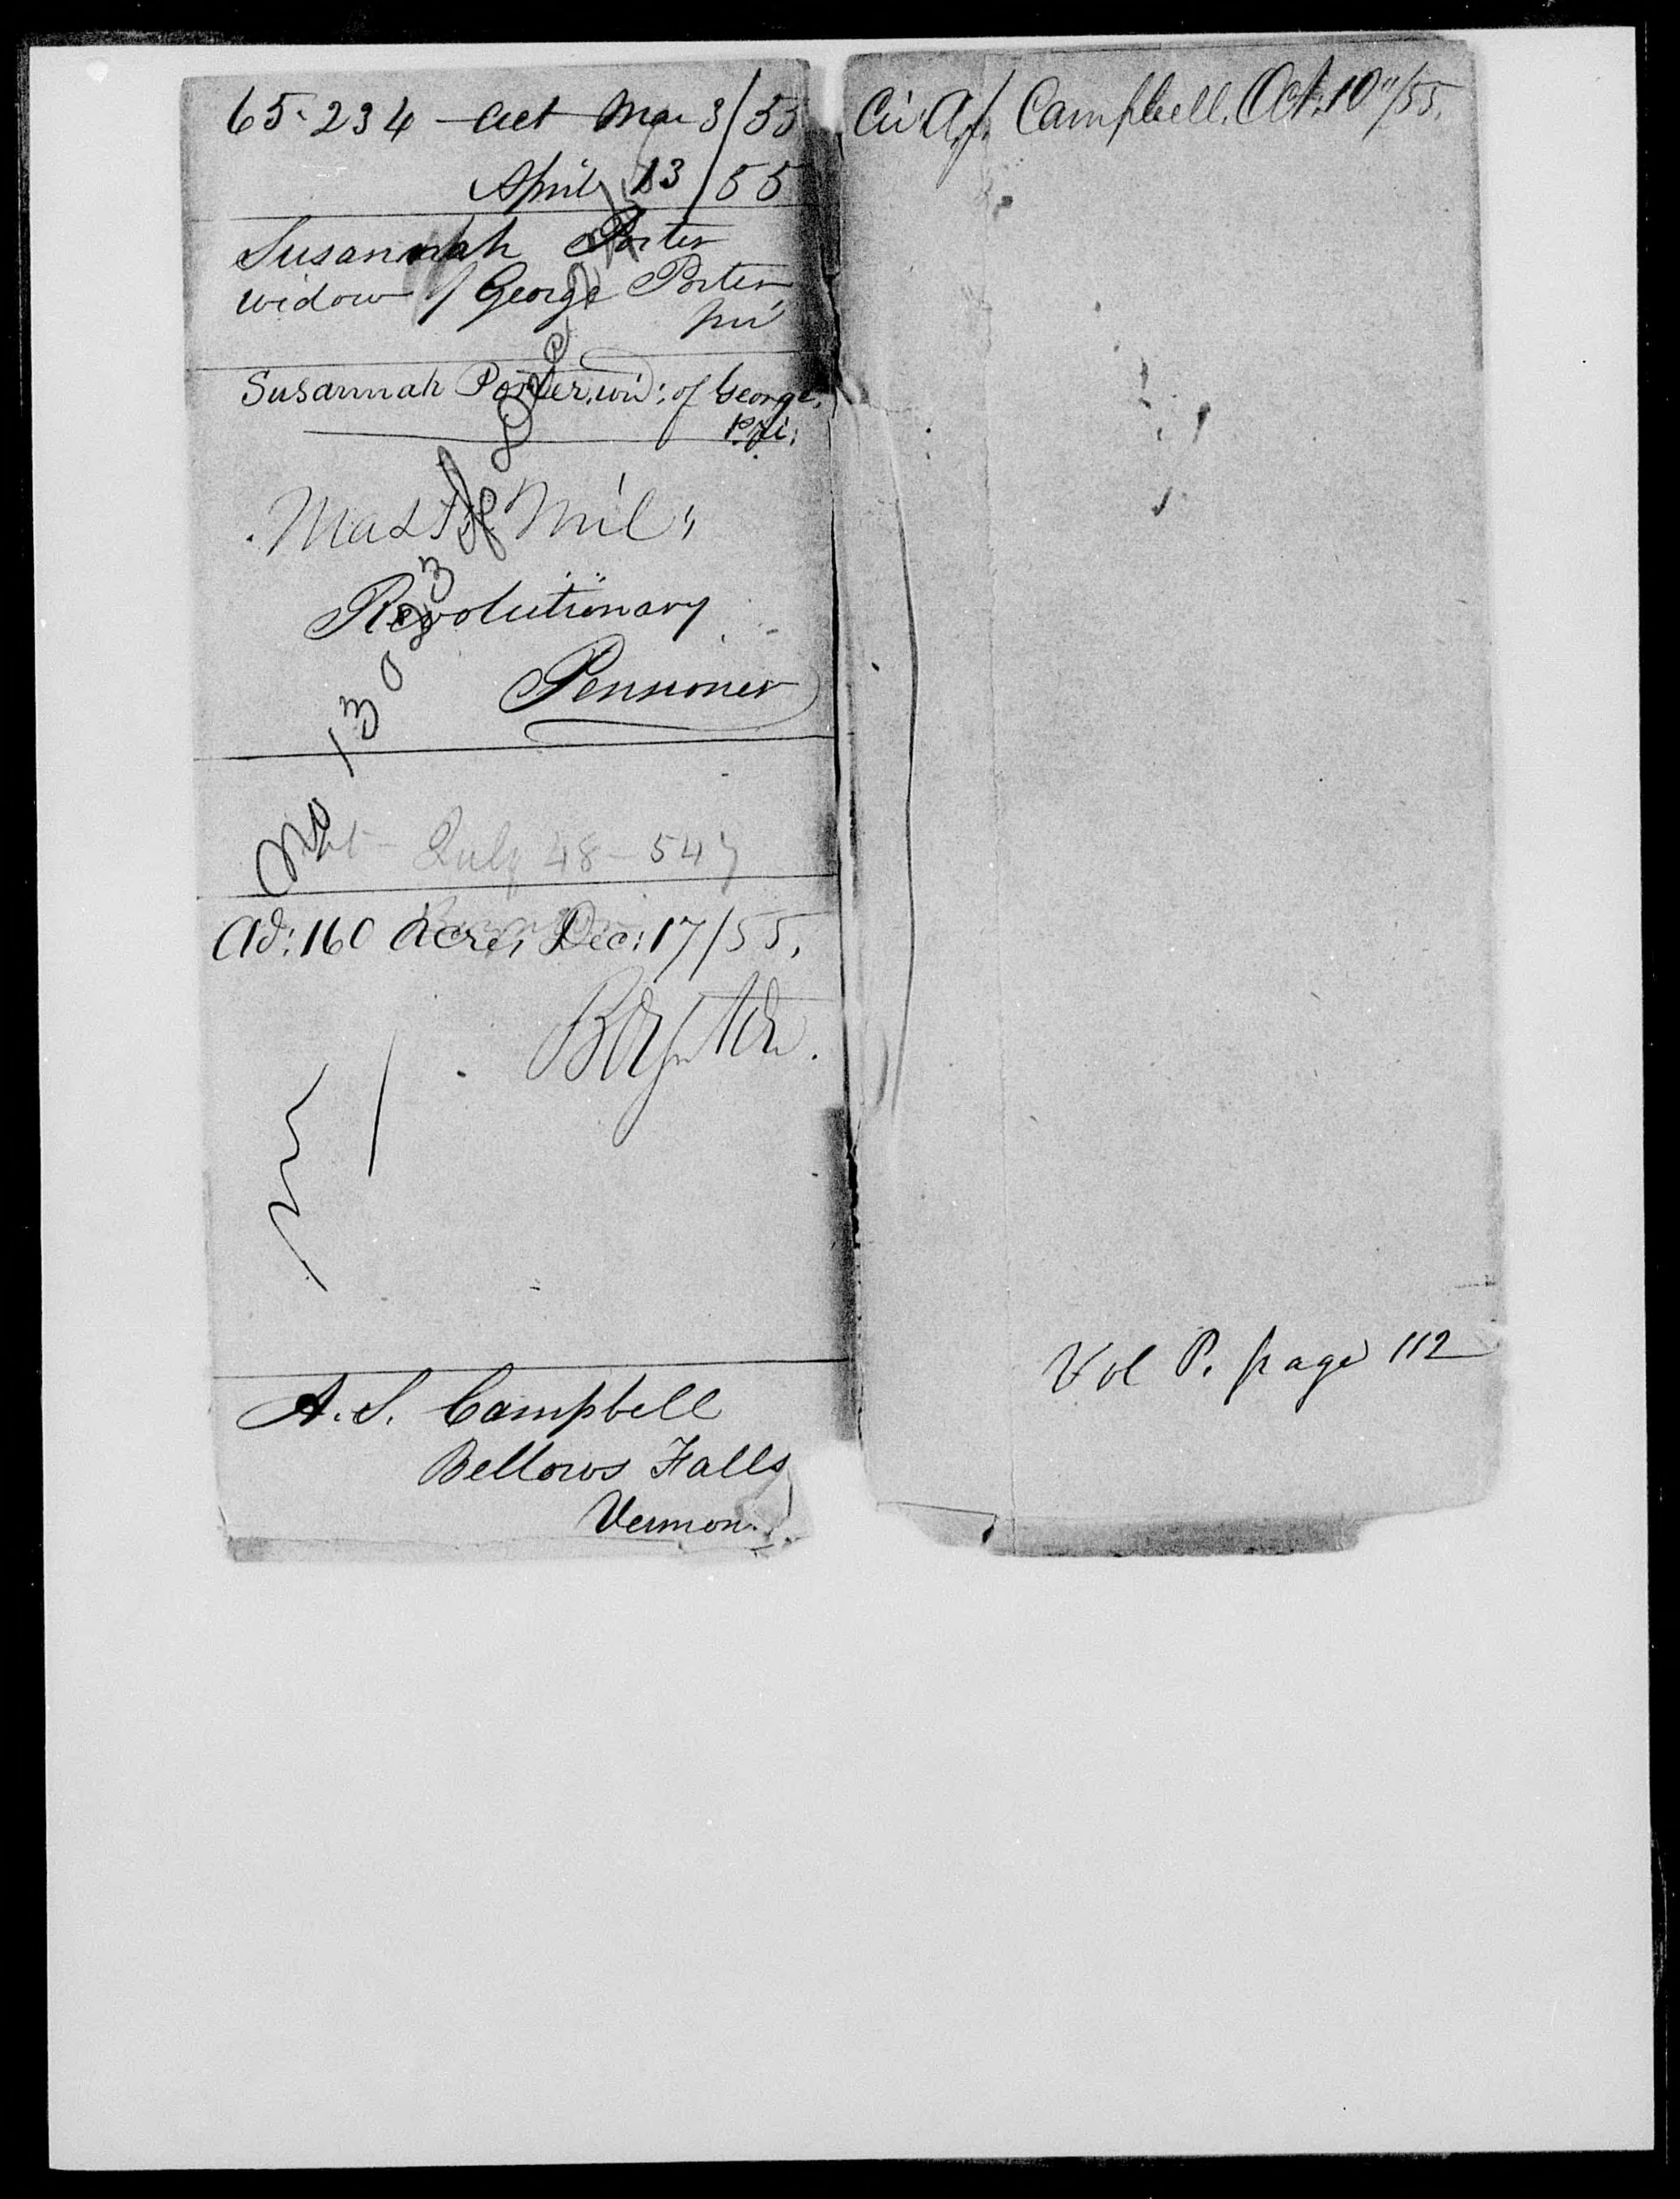65.234 Act Mar 355
April 13/55
Susannah Porter widow of George Porter Pri
Susannah Porter, wid: of George, Pri;
Mass Mill.
Revolutionary Pensioner
Act- July 48-547
Ad:160 acres Decl:17/55
Boynton.
A. S. Campbell
Bellows Falls Vermont

Cir. Ap. Campbell, Oct. 10"/55
Vol P. page 112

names: George Porter; [BLANK] Boynton; Susannah Porter; A S Campbell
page: 21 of 49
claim: widow's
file: W. 2164, for George Porter, Massachusetts